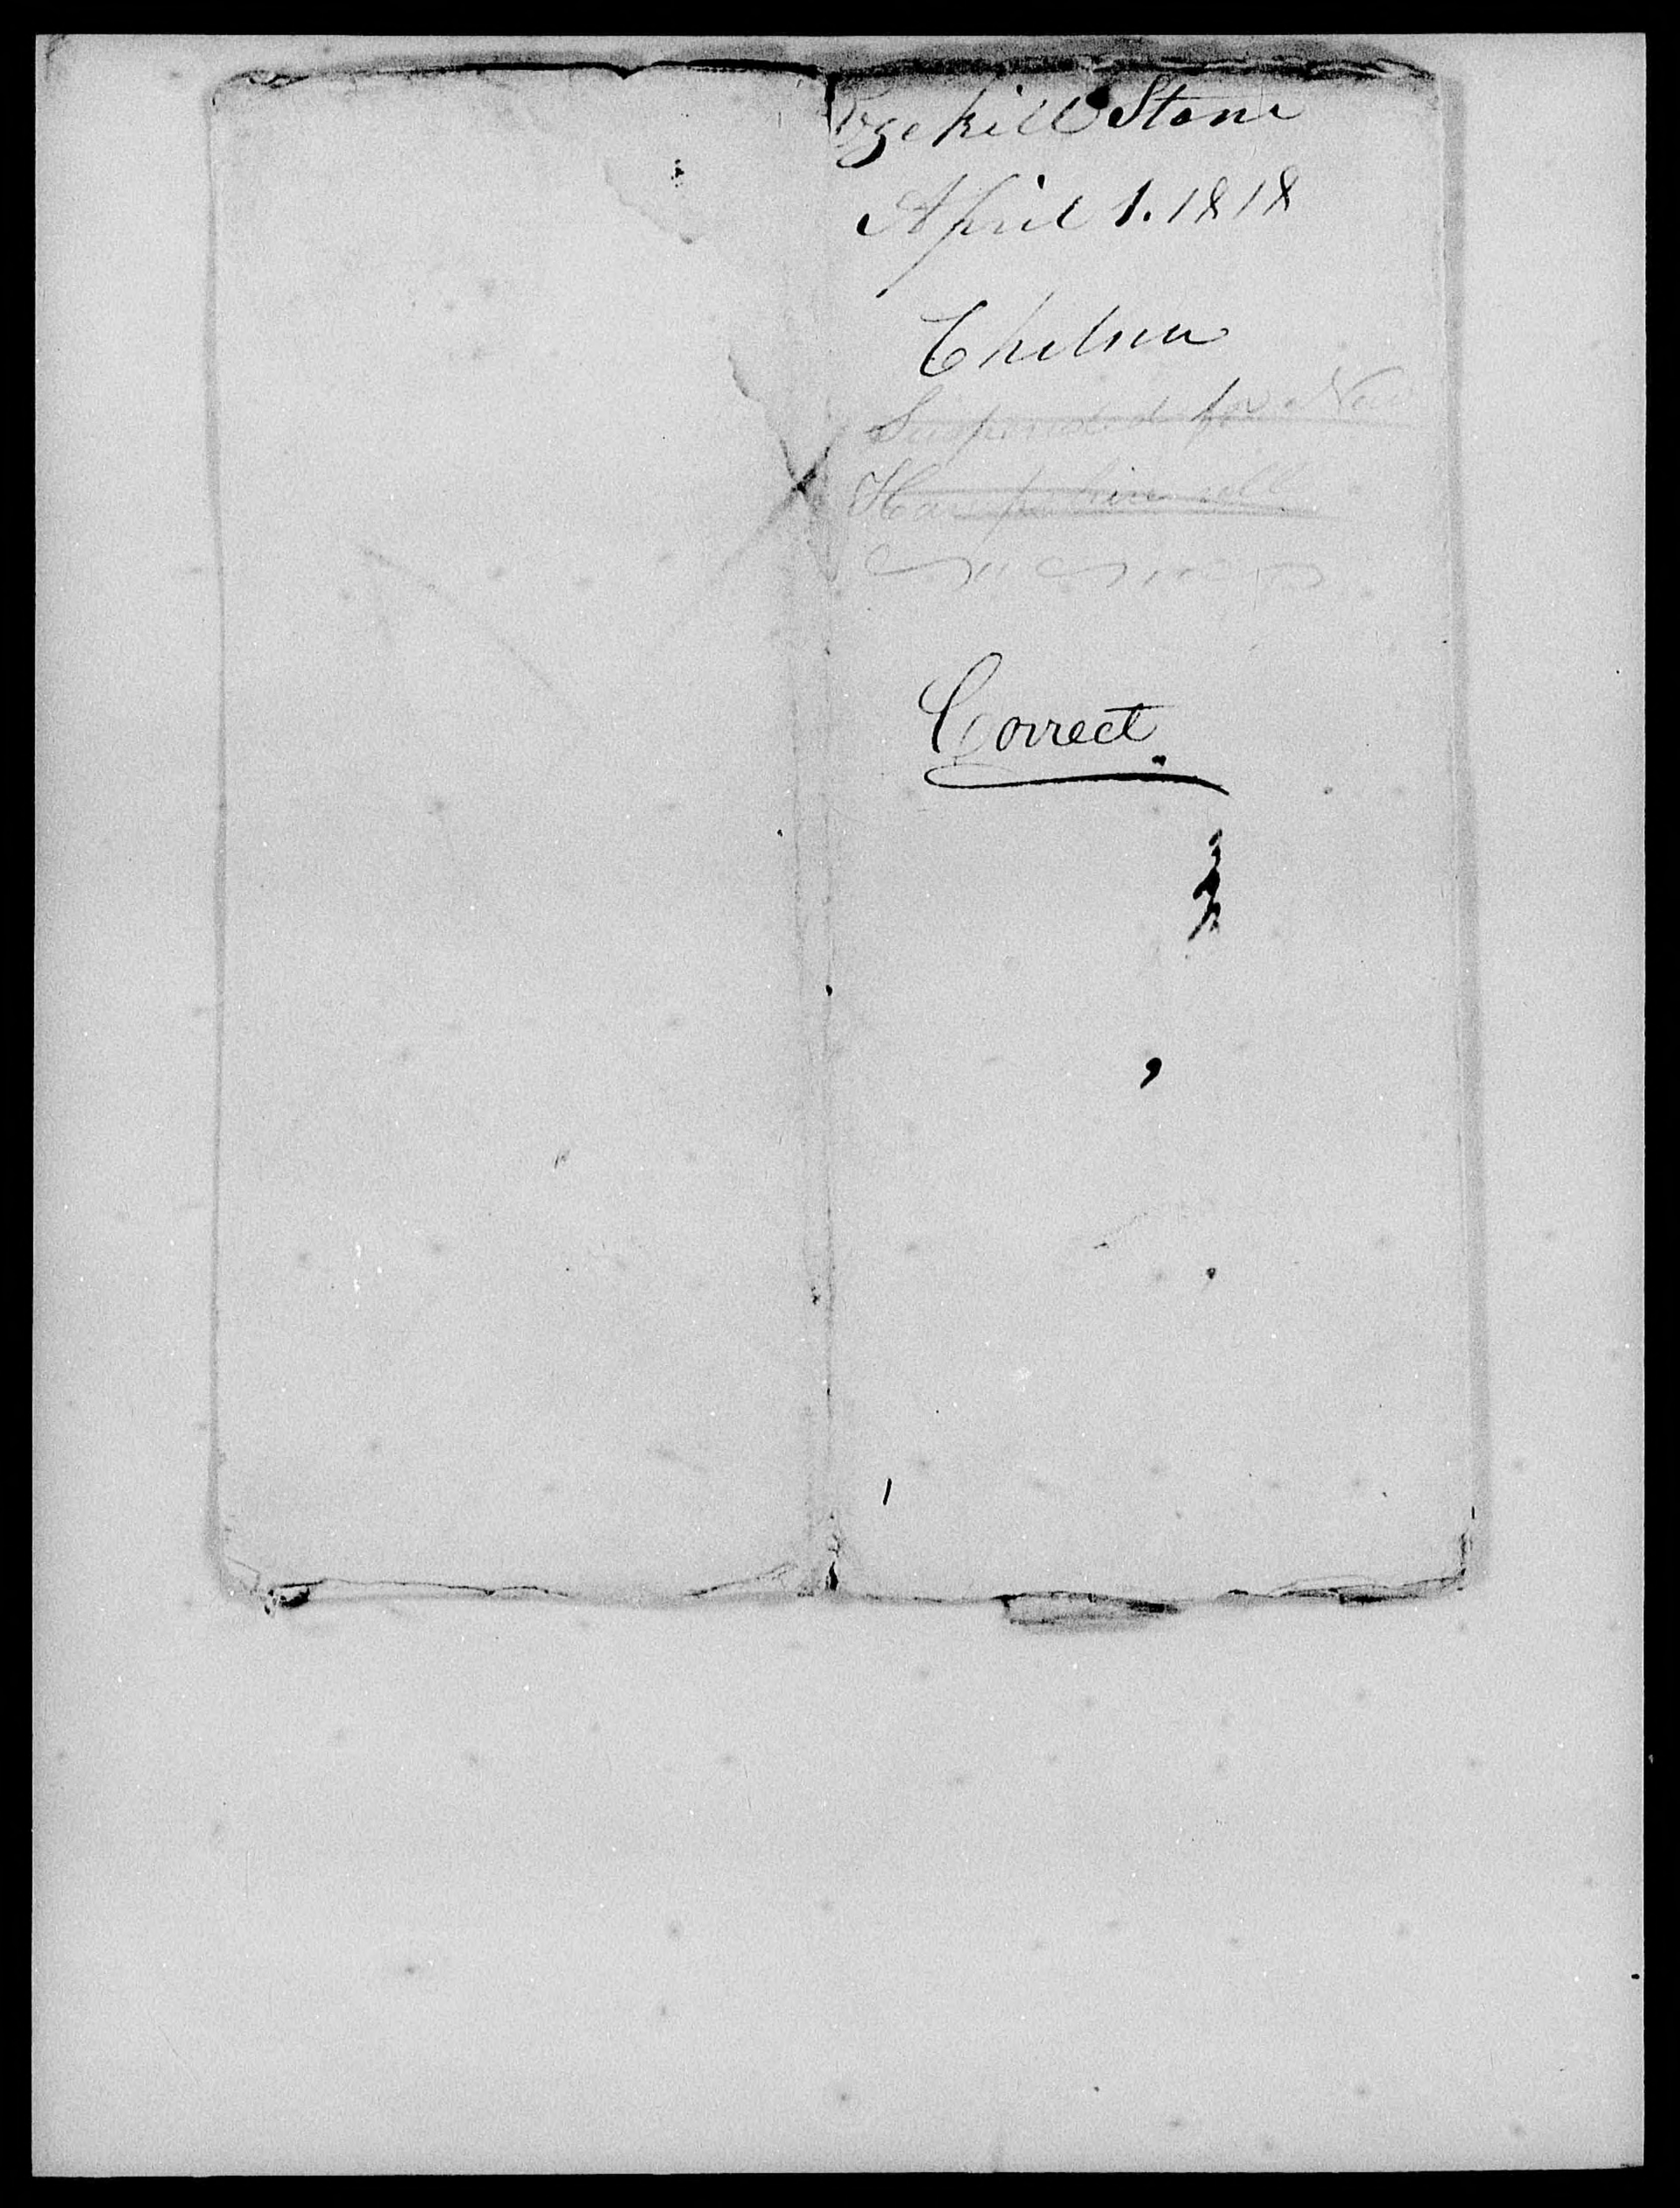Ezekiel Stone
April 4, 1818
Chelsea

[following stricken out]
Suspended for New
Hampshire roll


Correct
_________________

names: Ezekiel Stone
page: 3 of 38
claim: survivor's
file: S. 43181, for Ezekiel Stone, New Hampshire